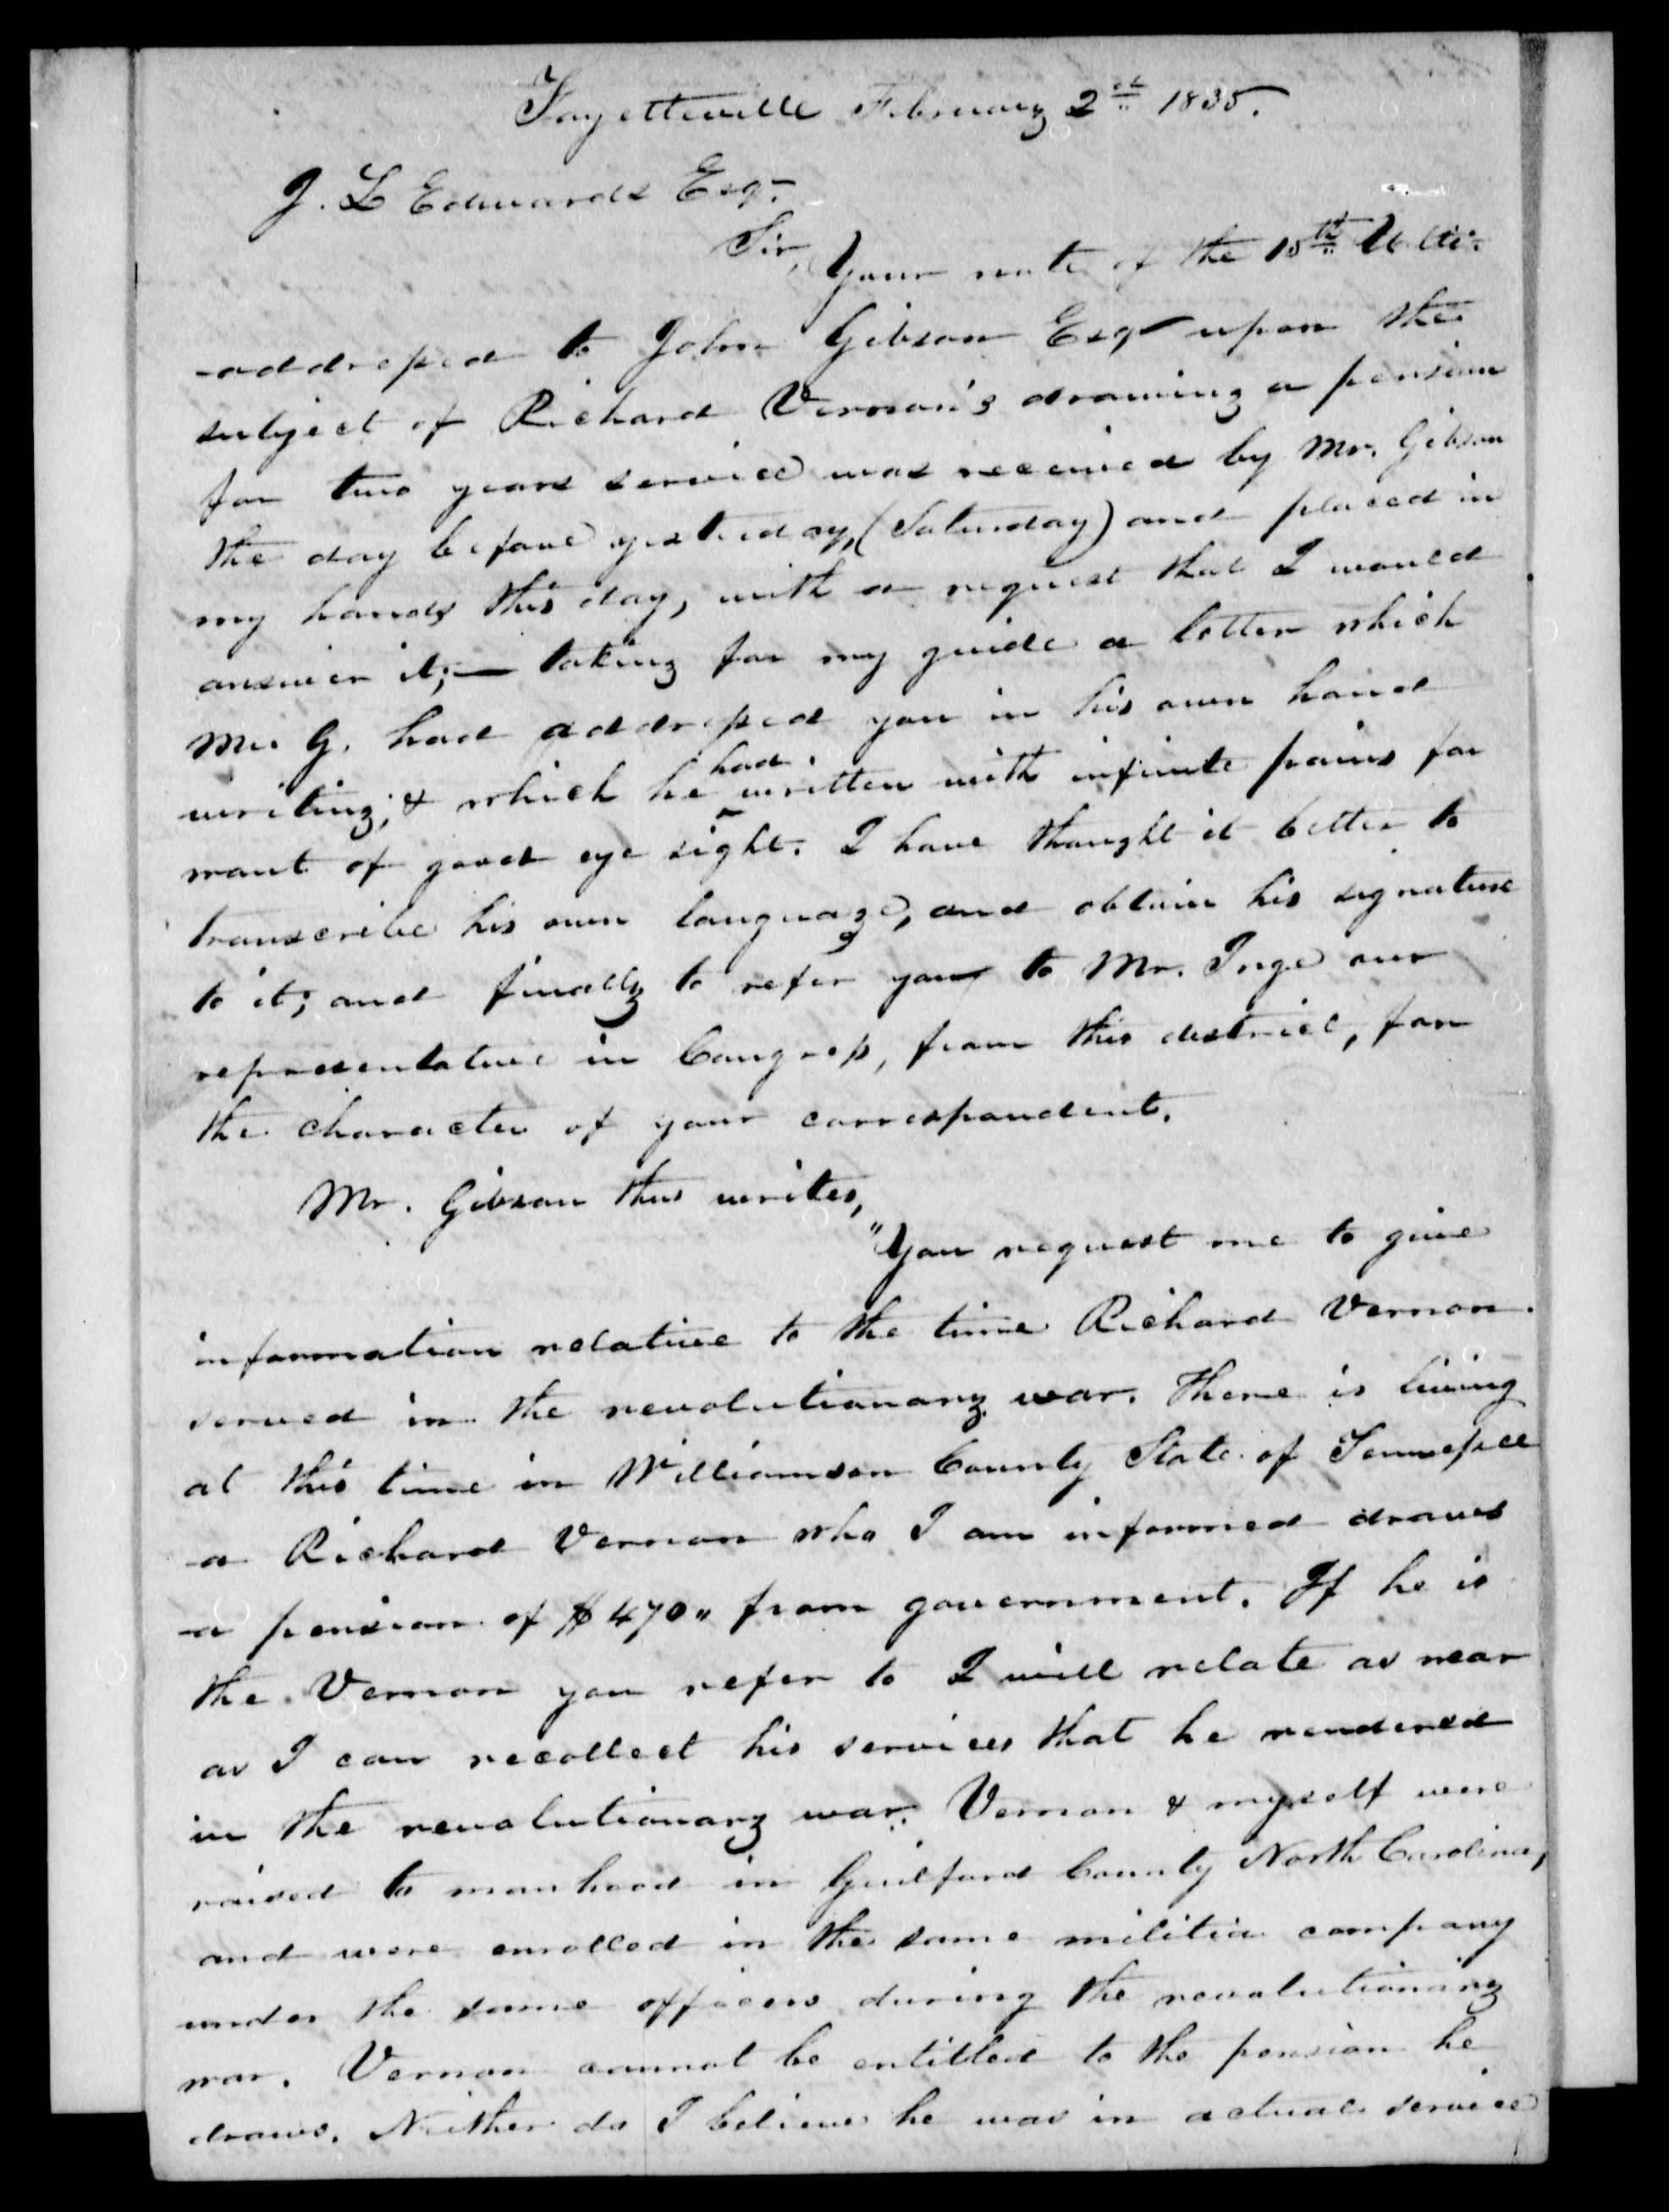Fayetteville February 2nd 1835.

J. L. Edwards Esqr.

Sir, 
Your note of the 15th Ultimo addressed to John Gibson Esq. upon the subject of Richard Vernon’s drawing a pension for two years service was received by Mr. Gibson the day before yesterday (Saturday) and placed in my house this day, with on request that I would answer it; taking for my guide a letter which Mr. G, had addressed you in his  own hand writing; & which he hand written with infinite  pains for want of good eye sight. I have thought it better to transcribe his own language, and obtain his signature to it; and finally to refer you to Mr. Inge our representative in Congress, from this district, from the character of your correspondence.
Mr. Gibson thus writes,
“You request me to give information relative to the time Richard Vernon served in the revolutionary war. There is living at this time in Williamson County State of Tennessee a Richard Vernon who I am informed draws a pension of $470 “ from government. If he is the Vernon you refer to I will relate as near as I an recollect his services that he rendered in the revolutionary war.  Vernon & myself were raised to manhood in Guildford County North Carolina ad were enrolled in the same militia company under the same officers during the revolutionary war. Vernon cannot be entitled to the pension he draws. Neither do I believe he was in actual  services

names: Richard Vernon, Vernon, Vernon, Vernon, Juge, Richard Vernon, Gibson, Gibson, Gibson, John Gibson, J L Edwards, Richard Vernon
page: 46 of 105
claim: survivor's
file: S. 1883, Richard Vernon, N.C.